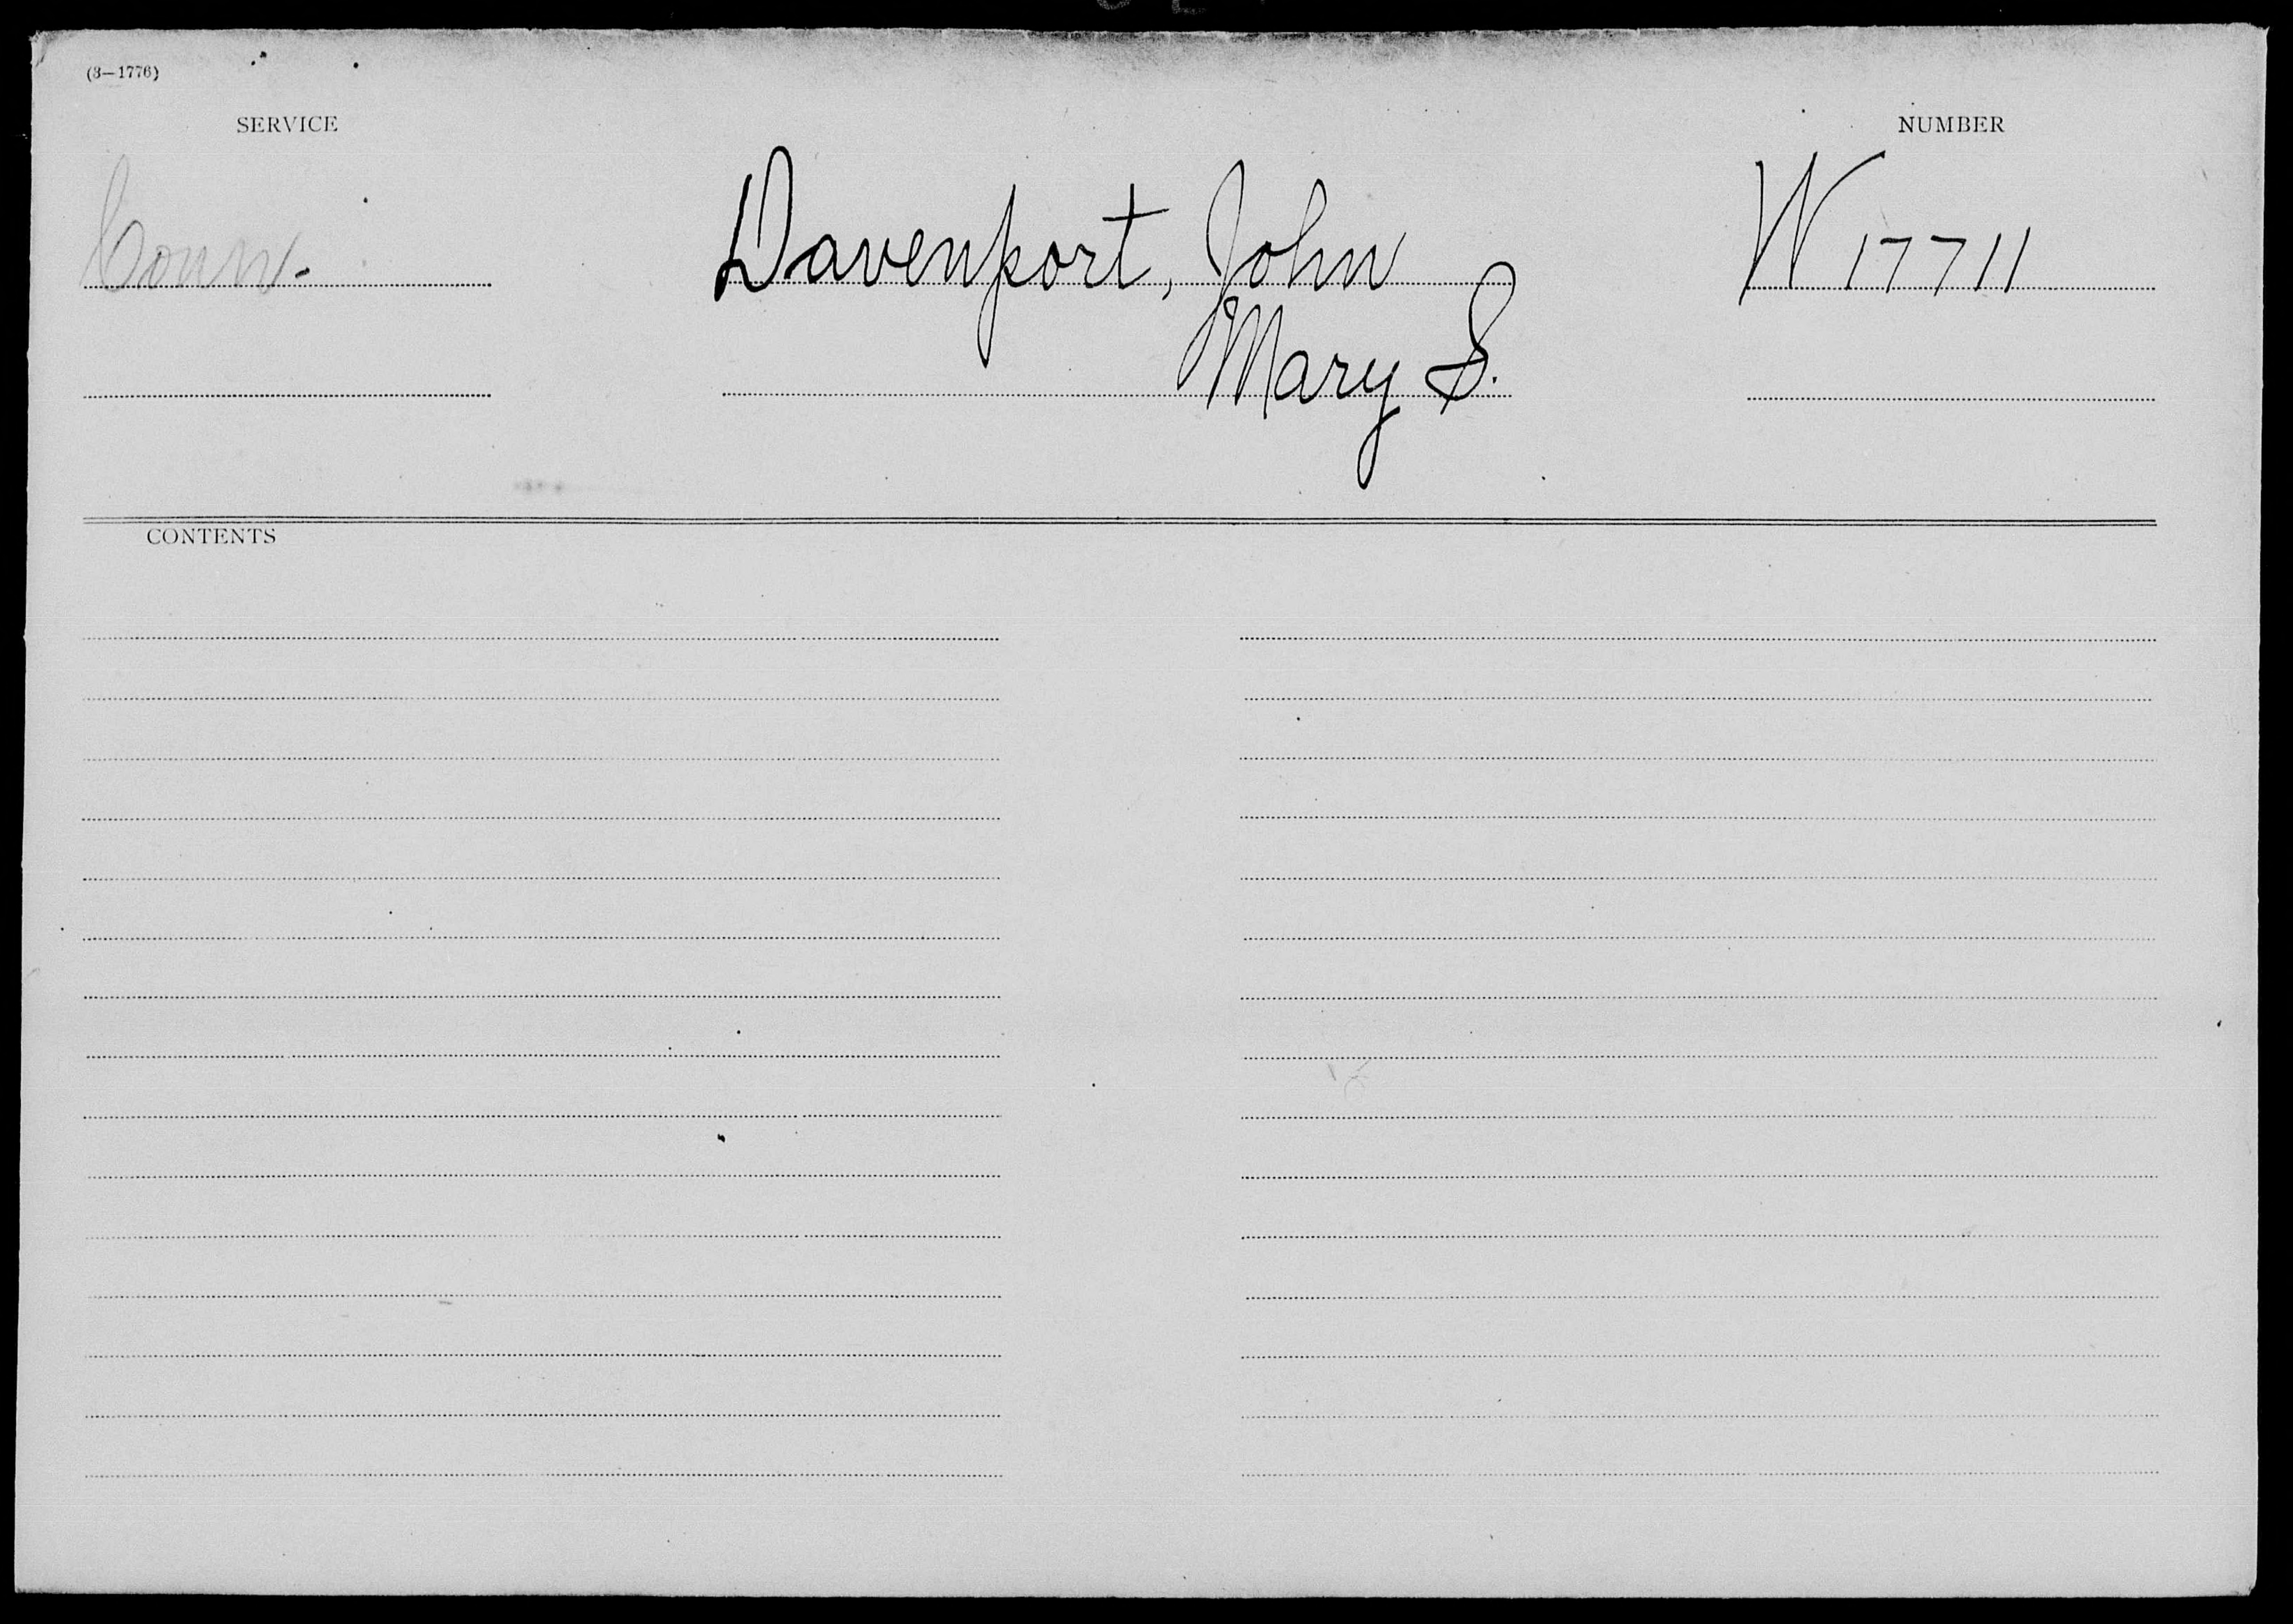(3-1776)

Service||Number
Conn. | Davenport, John|W17711
|Mary S.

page: 1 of 15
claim: widow's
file: W 17711, John Davenport, Conn.